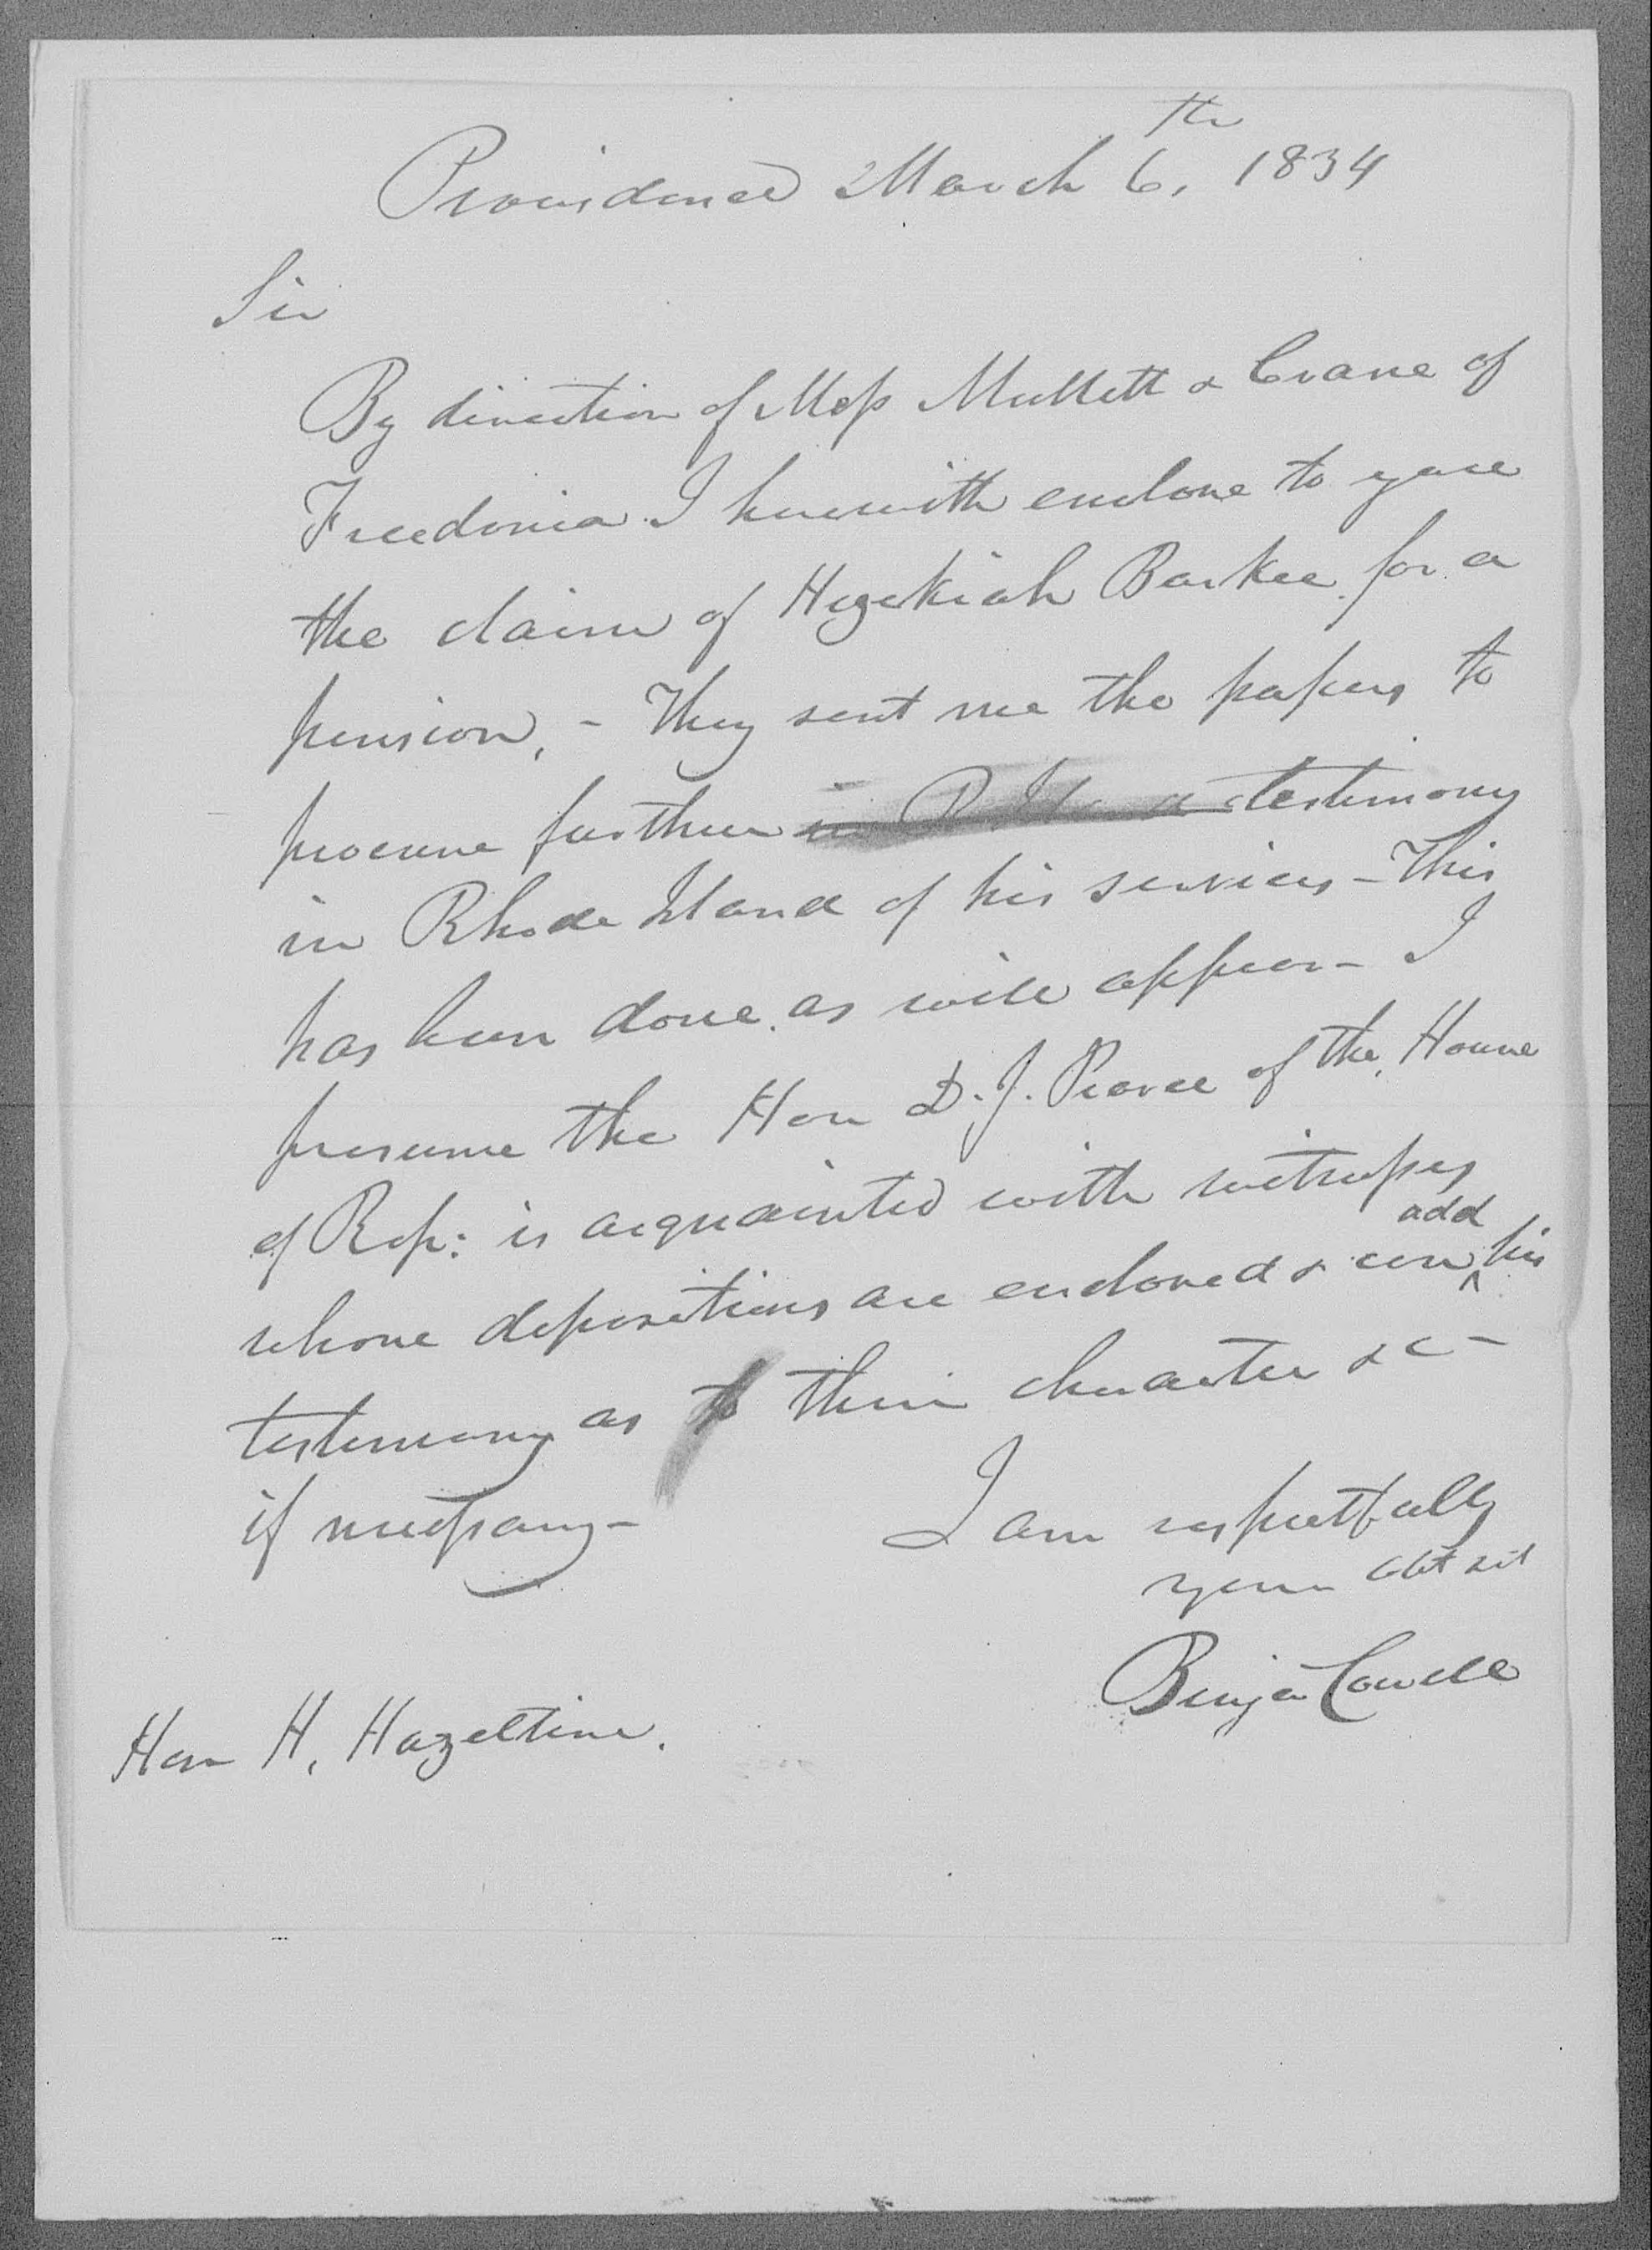Providence March 6th 1834
Sir
By direction of Mess Mullett & Crane of
Fredonia I herewith enclose to you
the claim of Hezekiah Barker for a 
pension.  They sent me the papers to
procur further in Providence [crossed out] testimony
in Rhode Island of his services.  This
has been done as will appear.   I
presume the Hon D.J. Pearce of the House
of Rep. is acquainted with witnesses
whose depositions are endorsed & can add his
testimony as to [crossed out] their character & c-
if necessary.
I am respectfully
Your Obt Svt
Benja Cowell
Hon H. Hazeltine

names: Hezekiah Barker, Benja Cowell, D J Pearce, Crane, Mullett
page: 44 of 52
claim: widow's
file: W. 18,565, Hezekiah Barker, Continental R.I.